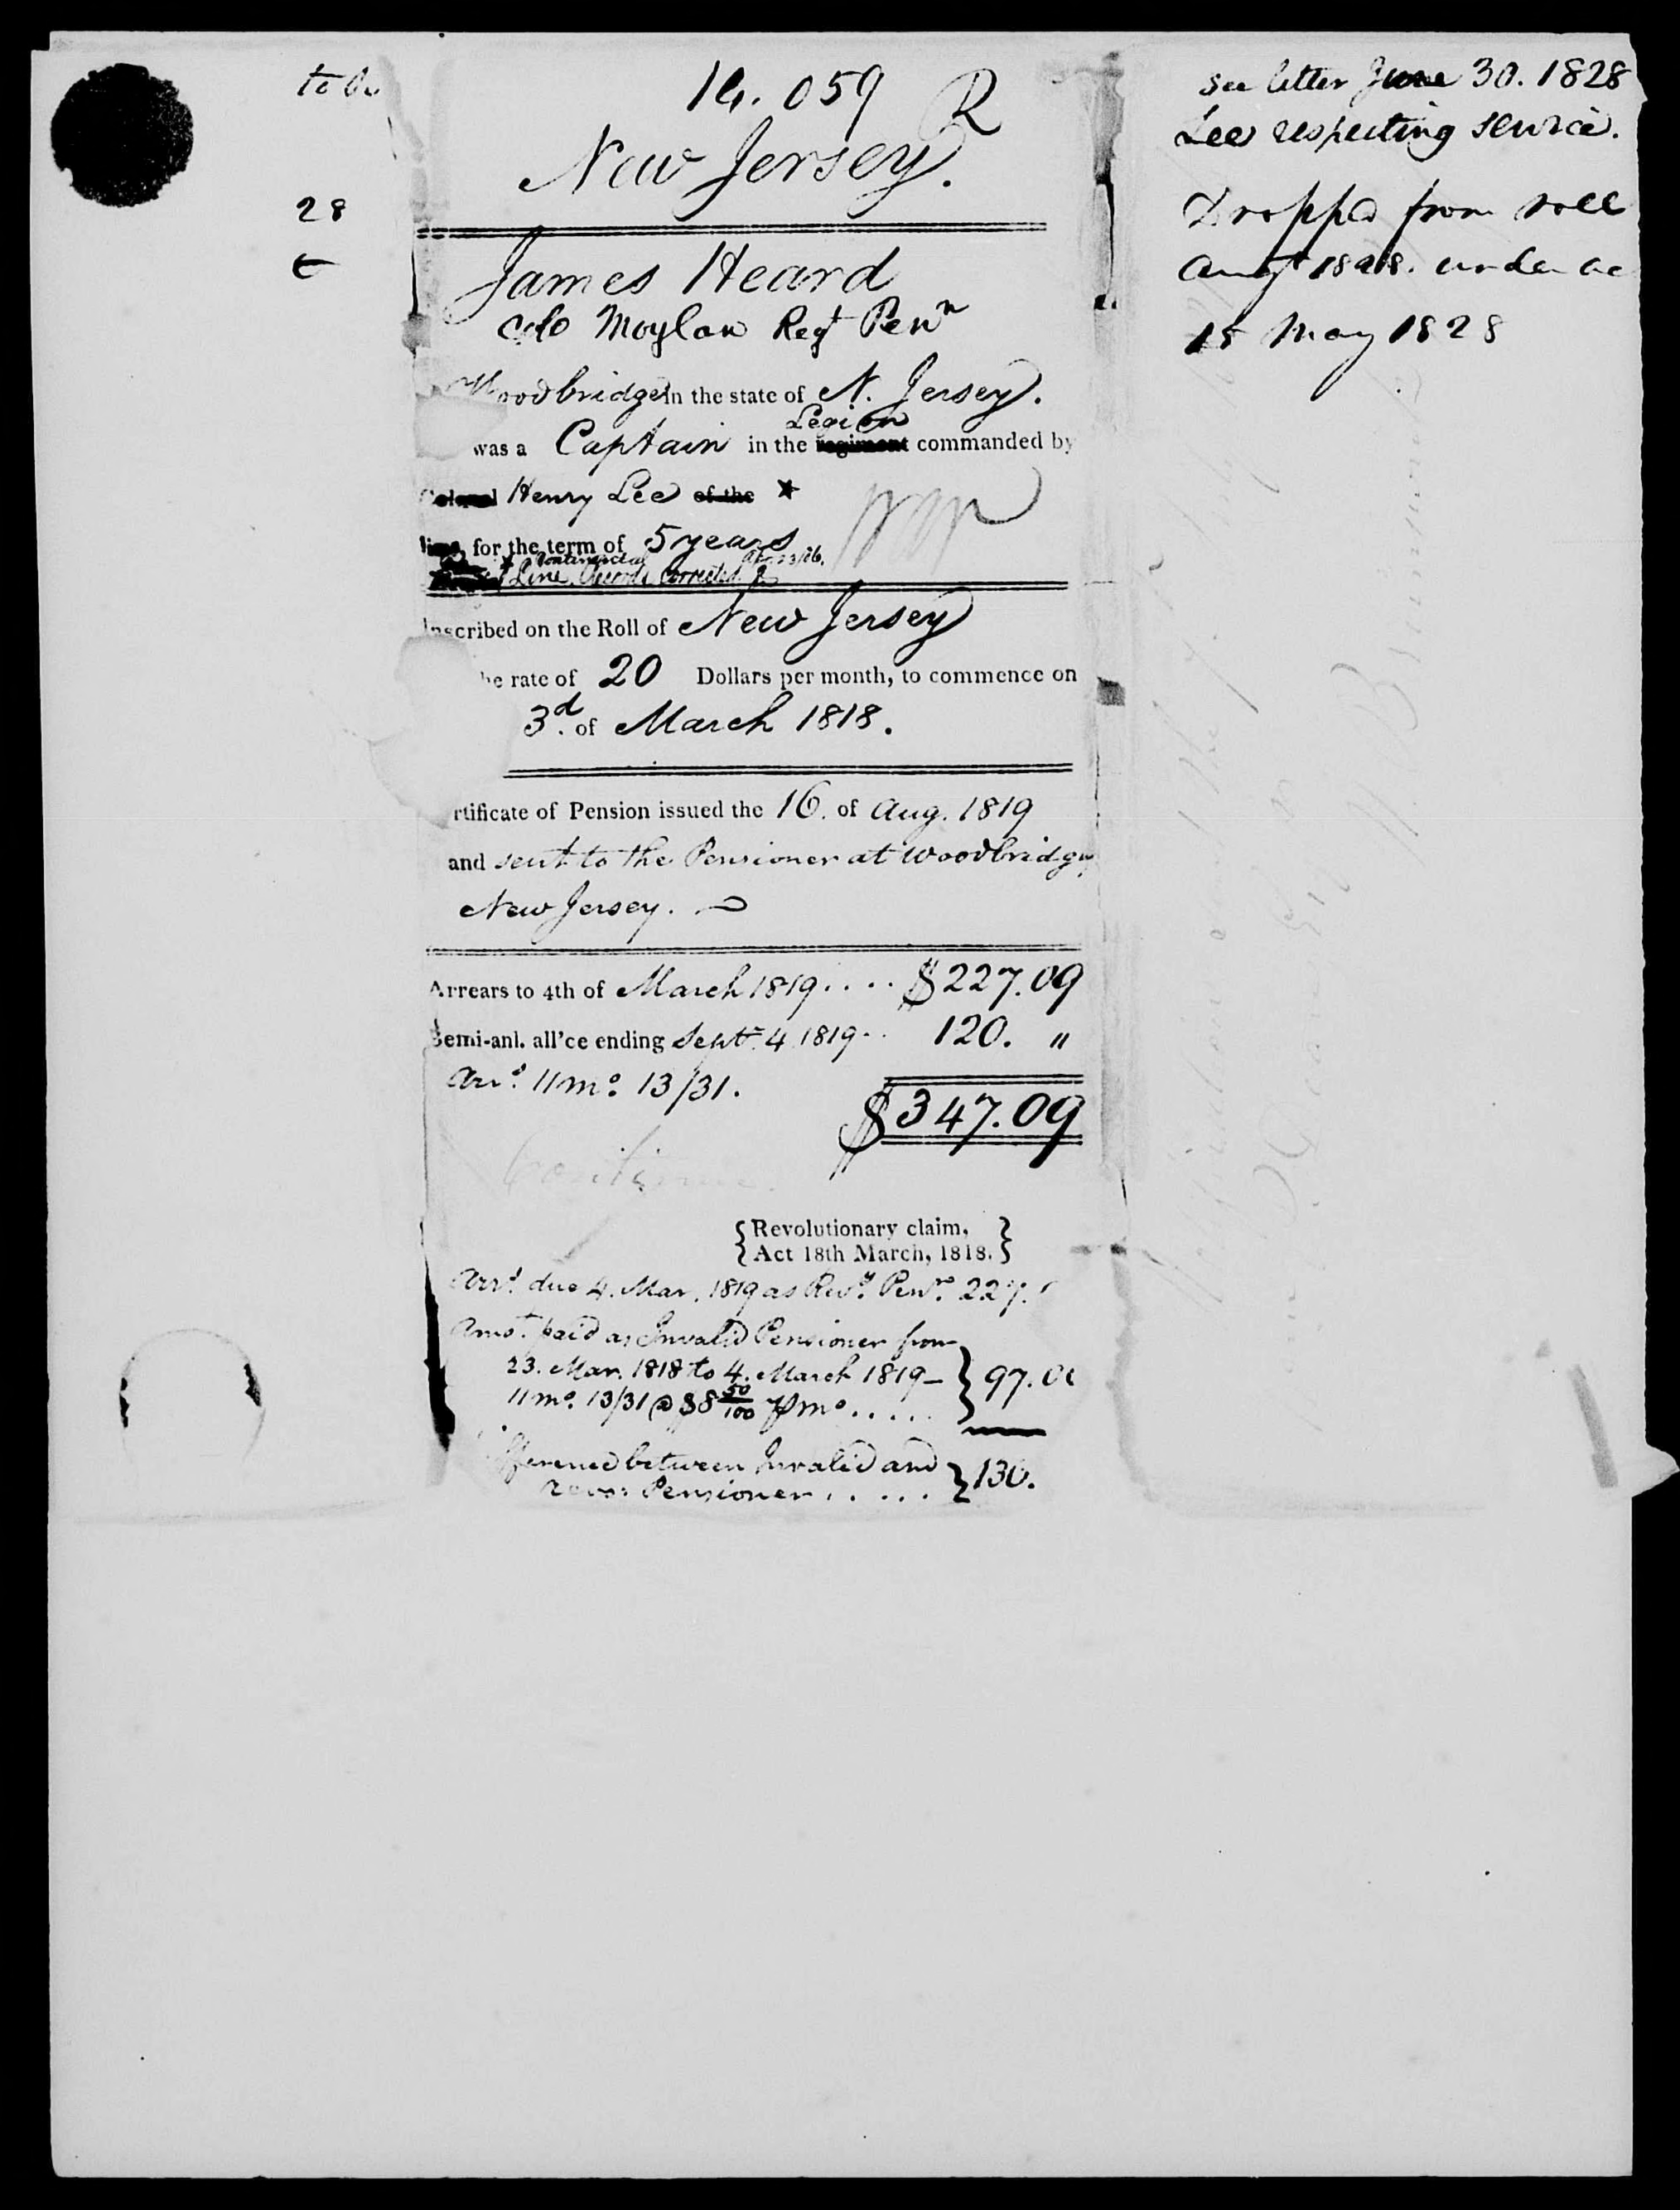14.059 R 
New Jersey 
James Heard Col. Moylan’s Regt. Penn
Woodbridge in the State of New Jersey
Was a Captain in the Legion commanded by Col. Henry Lee for the term of five years.
Inscribed on the Roll of New Jersey at the rate of 20 dollars per month, to commence on the 3rd of March 1818. Certificate of Pension issued the 16th of August 1819 and sent to the Pensioner at Woodbridge, New Jersey. 
Arrears to 4th of March 1819   $227.09
Semi-Annual Allowance ending September 4, 1819     $120.00
Revolutionary Claim Act 18th March, 1818

[Illegible Ink Marks]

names: Henry Lee, James Heard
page: 2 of 62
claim: survivor's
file: S. 540, James Heard, Continental - New Jersey Residence In 1818